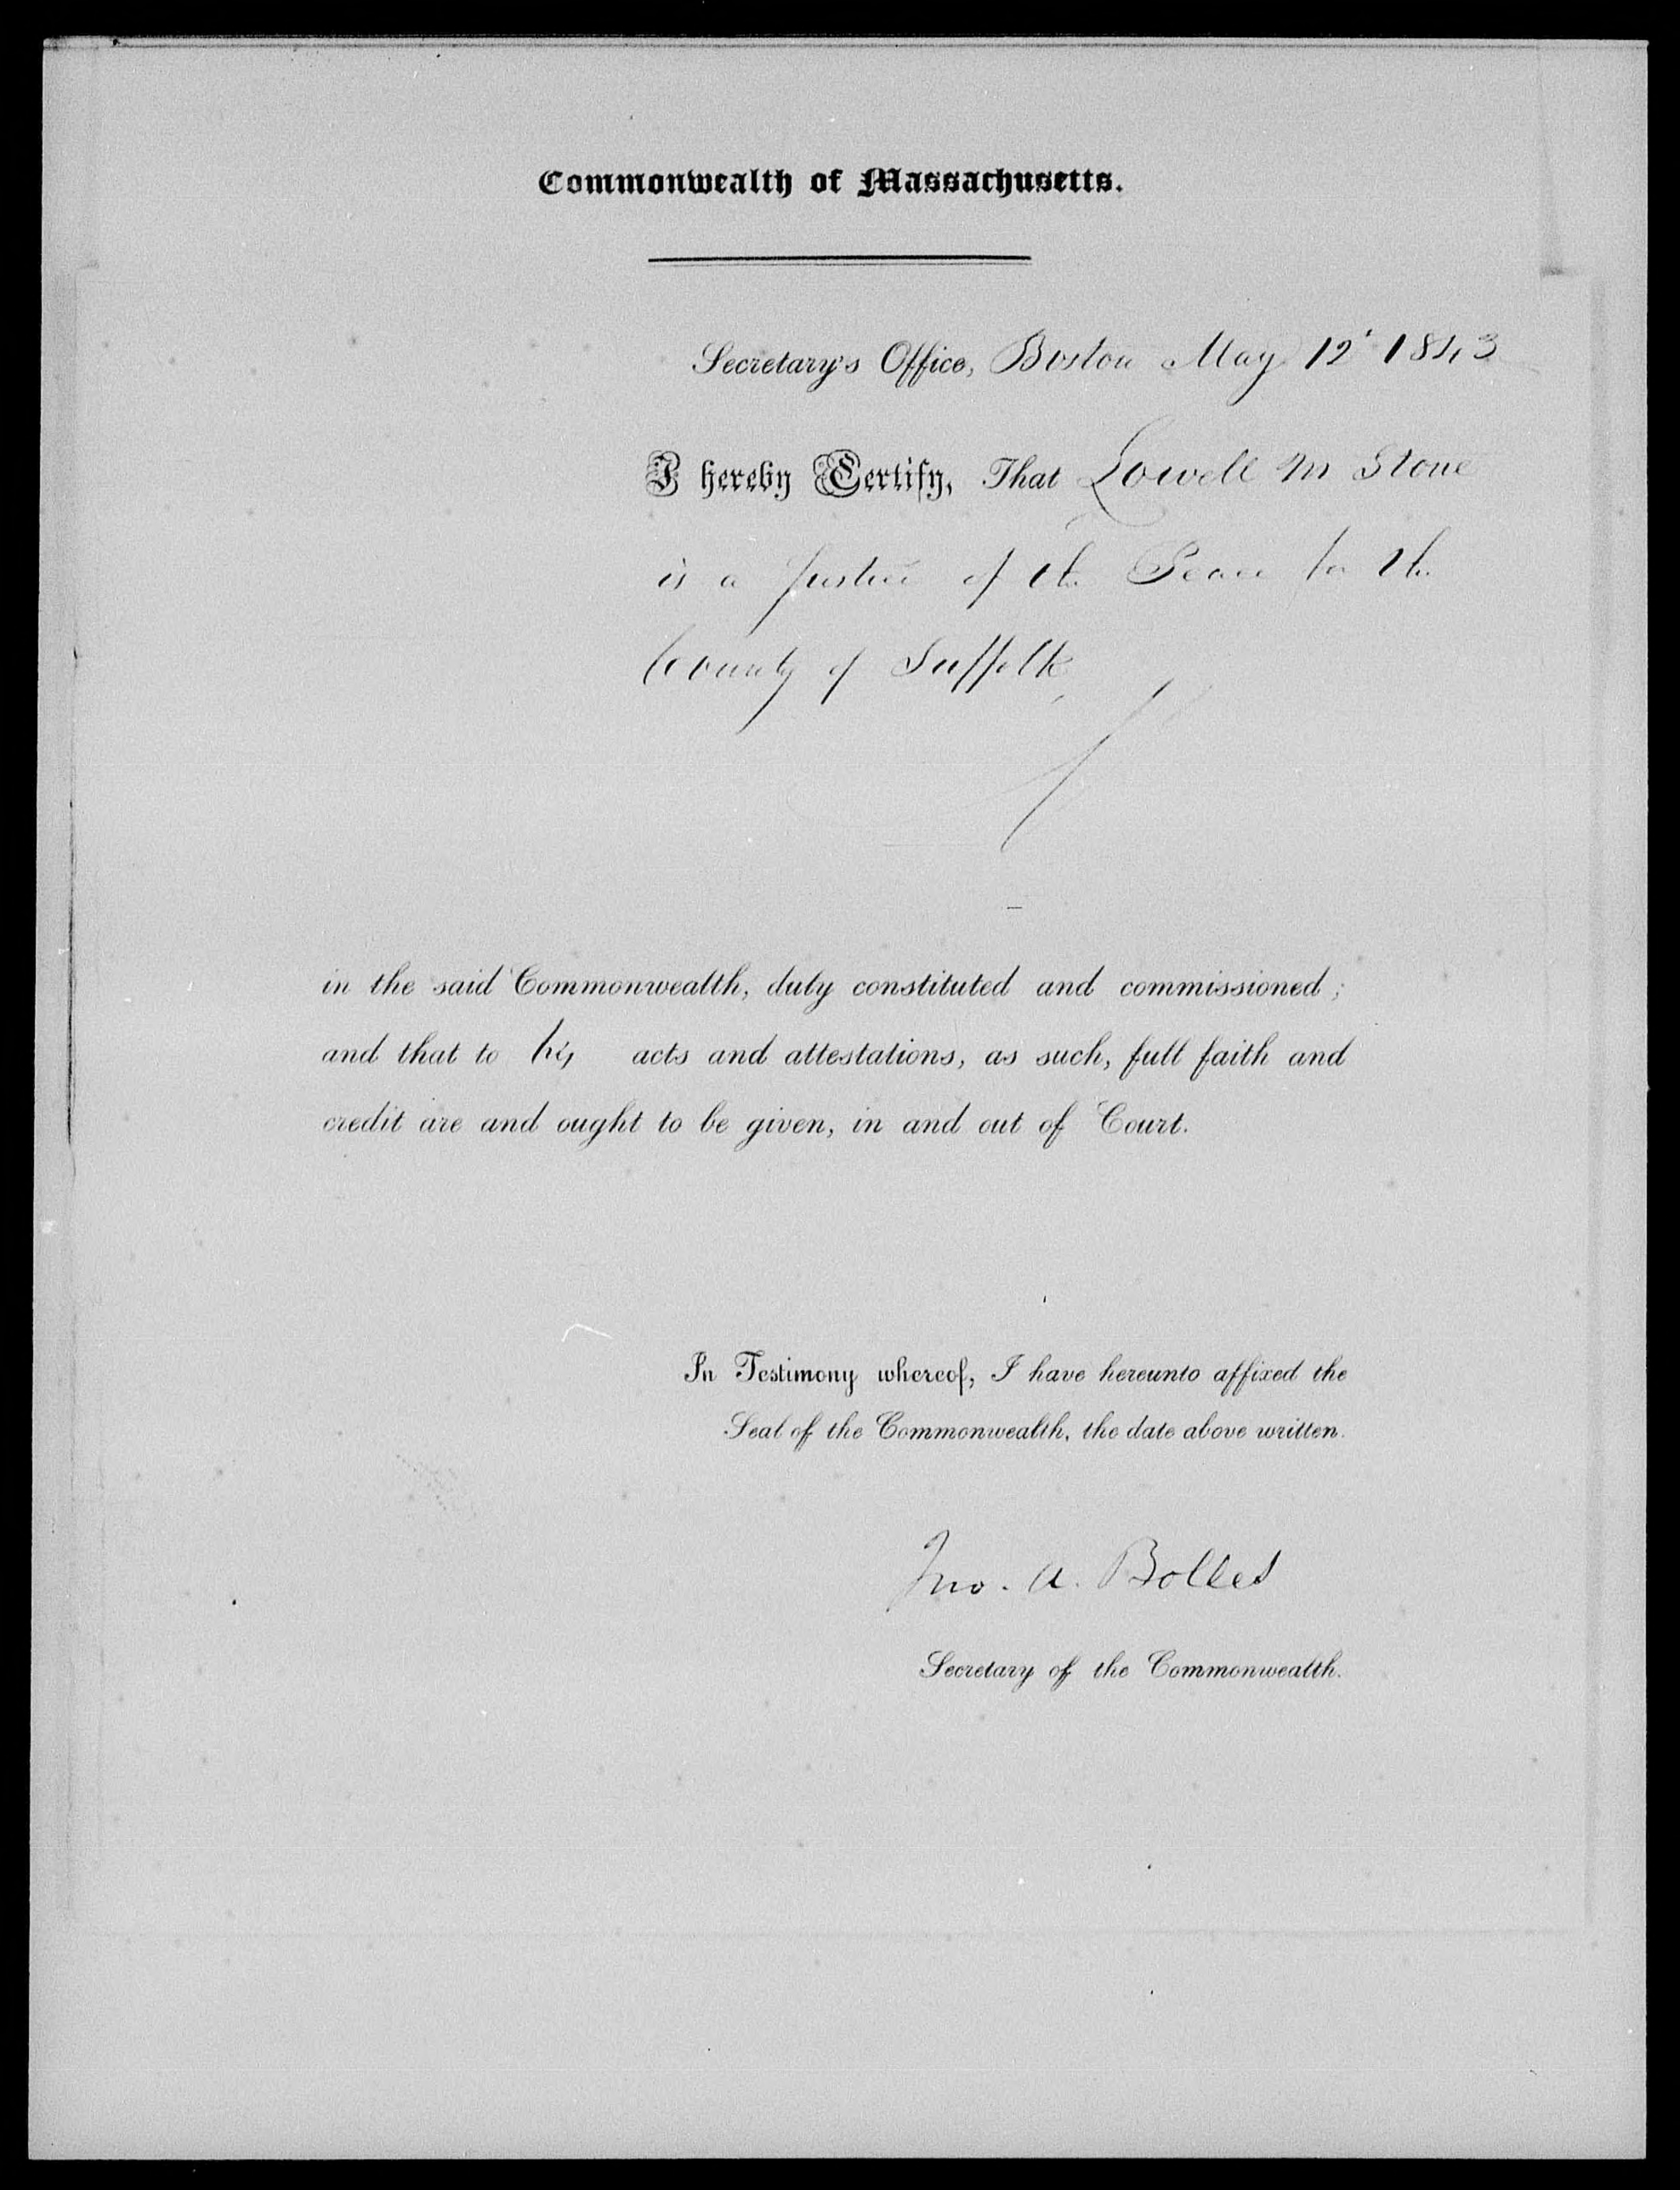Commonwealth of Massachusetts.
_____________
Secretary's Office, Boston May 12th 1843
I hereby Certify, That Lowell M. Stone is a Justice of the Peace for the County of Suffolk
in the said Commonwealth, duly constituted and commissioned; and that to his acts and attestations, as such, full faith and credit are and ought to be given, in and out of Court.

In Testimony whereof, I have hereunto affixed the Seal of the Commonwealth, the date above written.
John A. Bolles
Secretary of the Commonwealth.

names: Lowell M Stone; Jno A Bolles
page: 22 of 23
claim: widow's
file: W. 15010, for Thomas Lamb, Massachusetts